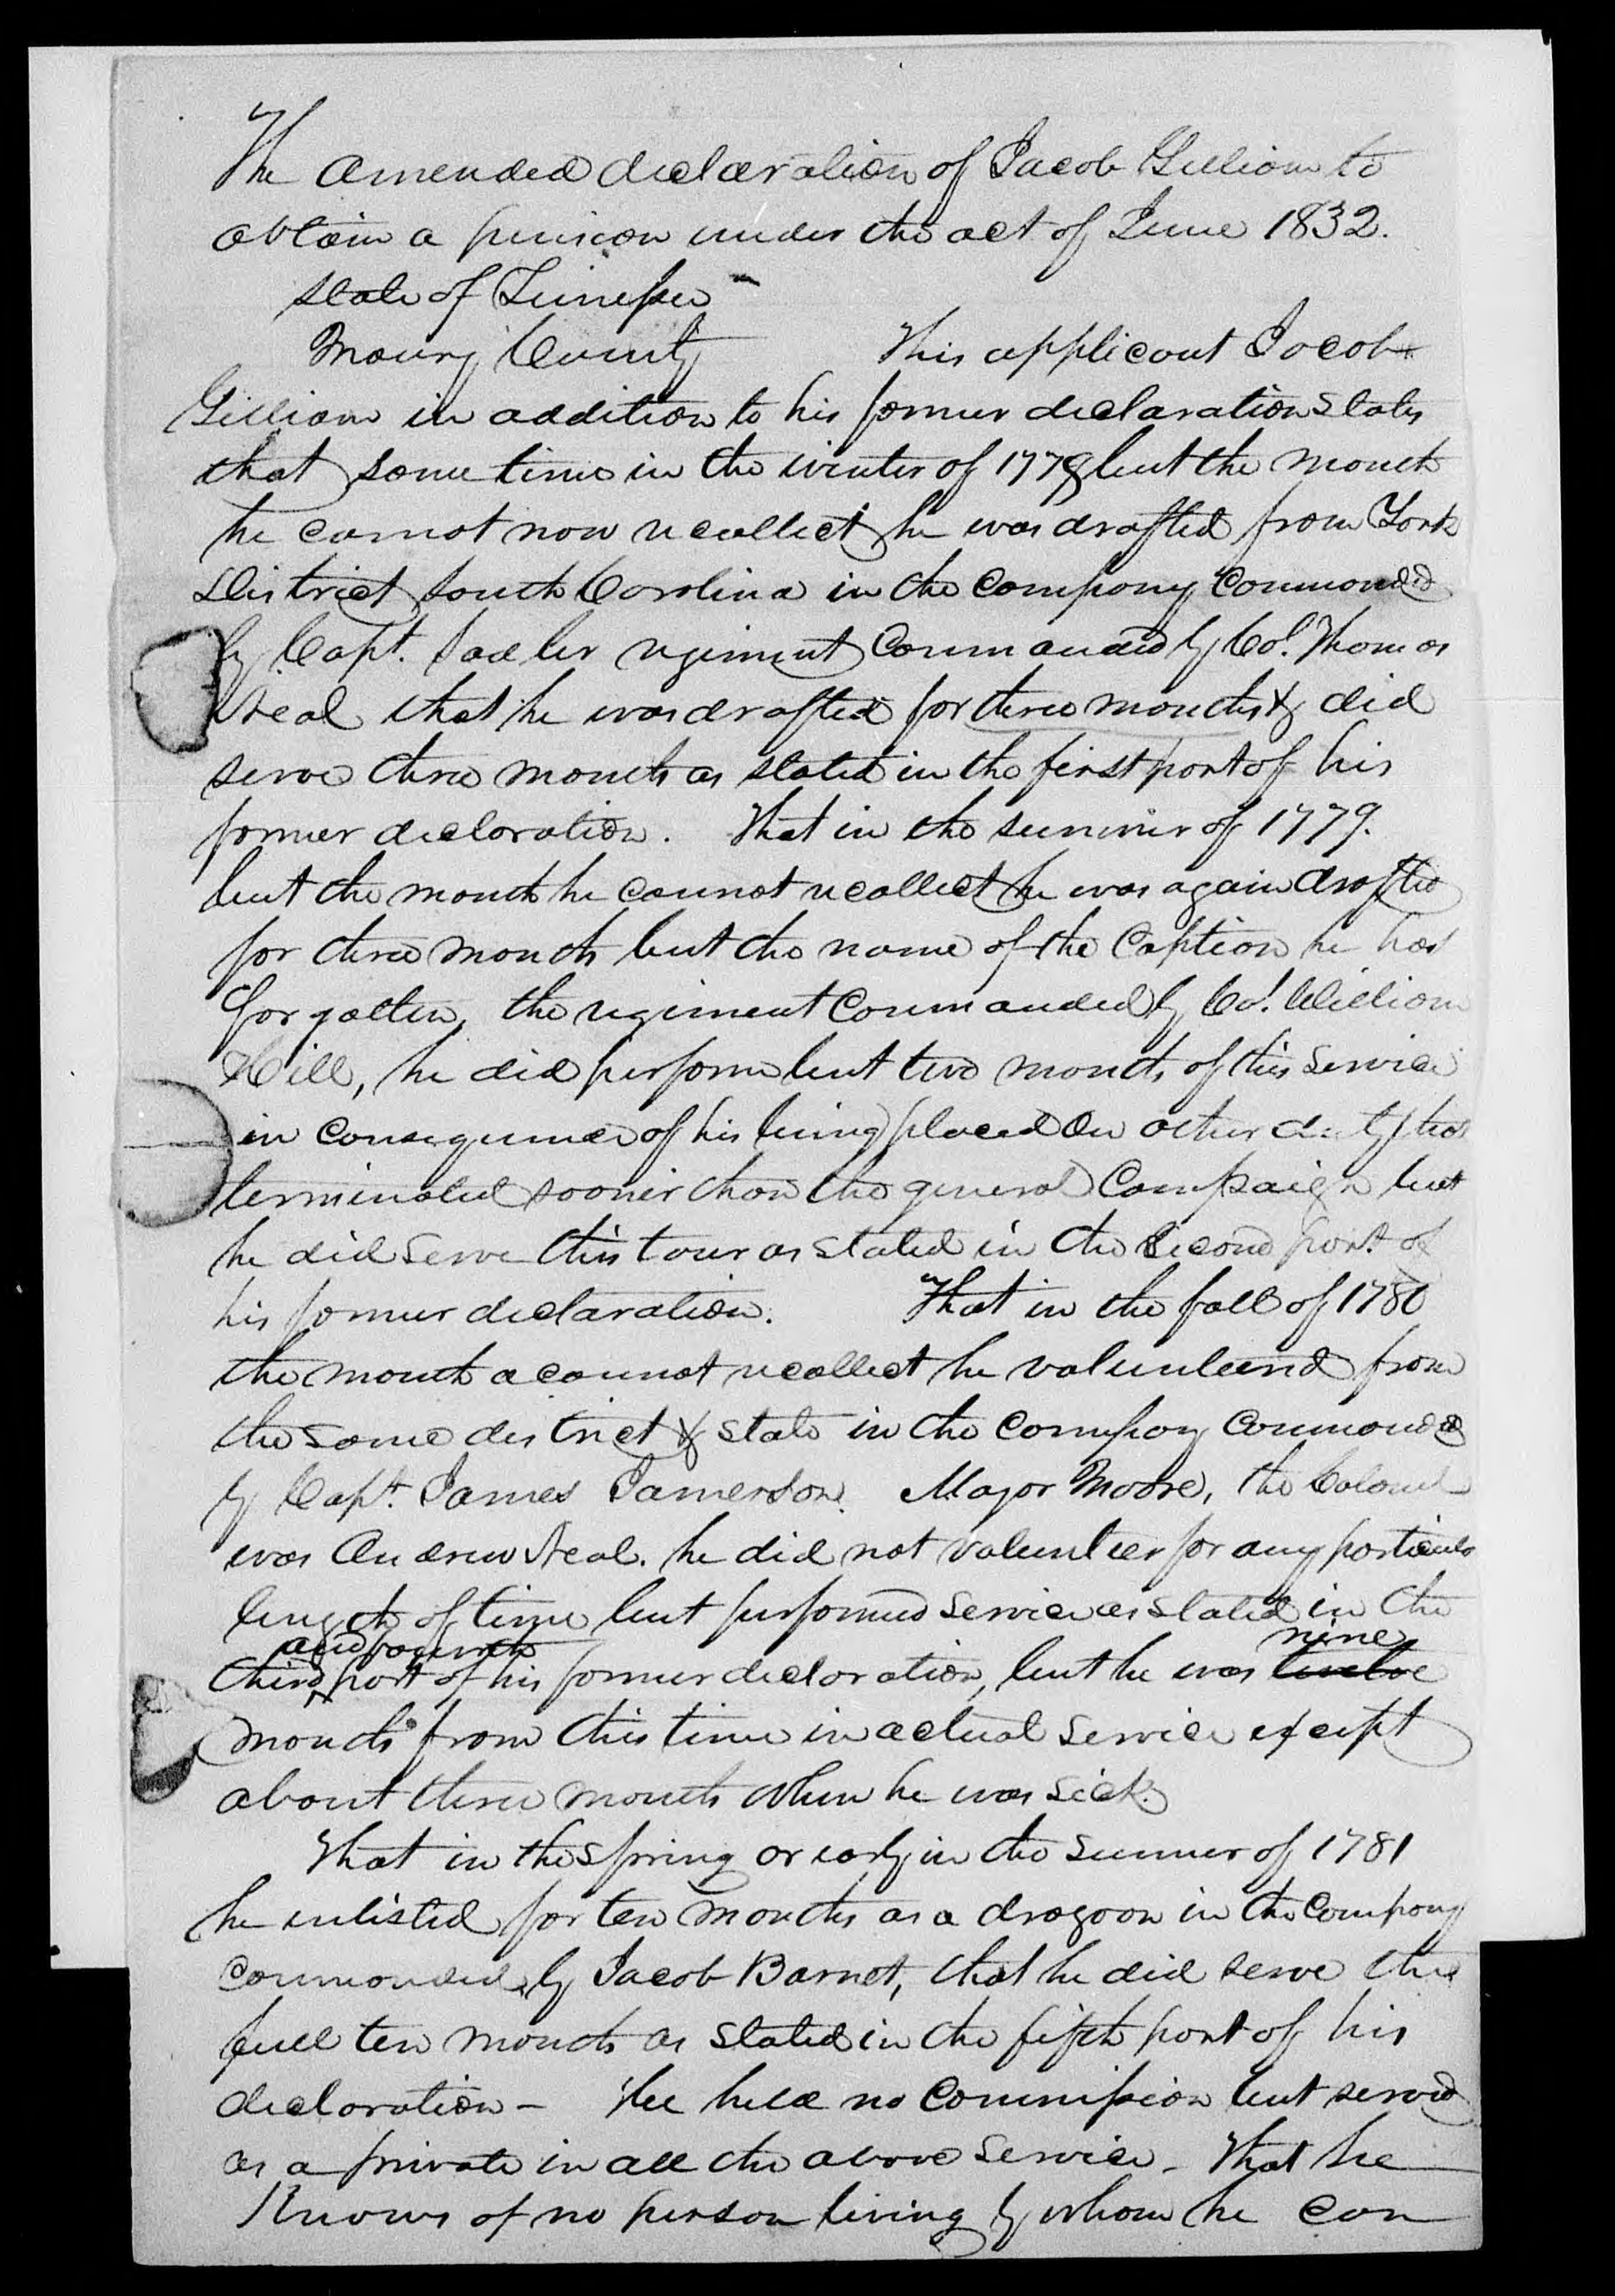The amended declaration of Jacob Gillion to obtain a pension under the act of June 1832
State of Tennessee
Maury County This applicant Jacob Gilliam in addition to his former declaration states that sometime in the winter of 1778 but the month he cannot now recollect he was drafted from York District South Carolina in the company commanded by Capt Sadler regiment commanded by Col Thomas Neal that he was drafted for three months & did serve three months as stated in the first part of his former declaration That in the summer of 1779 but the month he cannot recollect he was again drafted for three month but the name of the captain he has forgotten the regiment commanded by Col William Hill he did perform but two months of this service in consequents of his living placed on  other duty that terminated sooner than the general campaign but he did serve this tour as stated in the second part of his former declaration That in the fall of 1780 the month a cannot recollect he volunteered from the same district & state in the company commanded by Capt James Jamerson Major Moore the colonel was Andrew Neal he did not volunteer for any porticulr [particular] length of time but performed services stated in the third and forth part of his former declaration but he was nine months from this time in actual service except about three months when he was sick
That in the spring or early in the summer of 1781 he enlisted for ten months as a dragoon in the company commanded by Jacob Barnet that he did serve this full ten months as stated in the fifth port of his declaration he held no commission but served as a private in all the above services that he knows of no person living by whom he can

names: Thomas Neal, William Hill, Jacob Gilliam, Jacob Gilliam, Moore, James Jamerson, Jacob Barnet, Andrew Neal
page: 15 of 17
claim: survivor's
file: S 3397, Jacob Gillham, S.C.